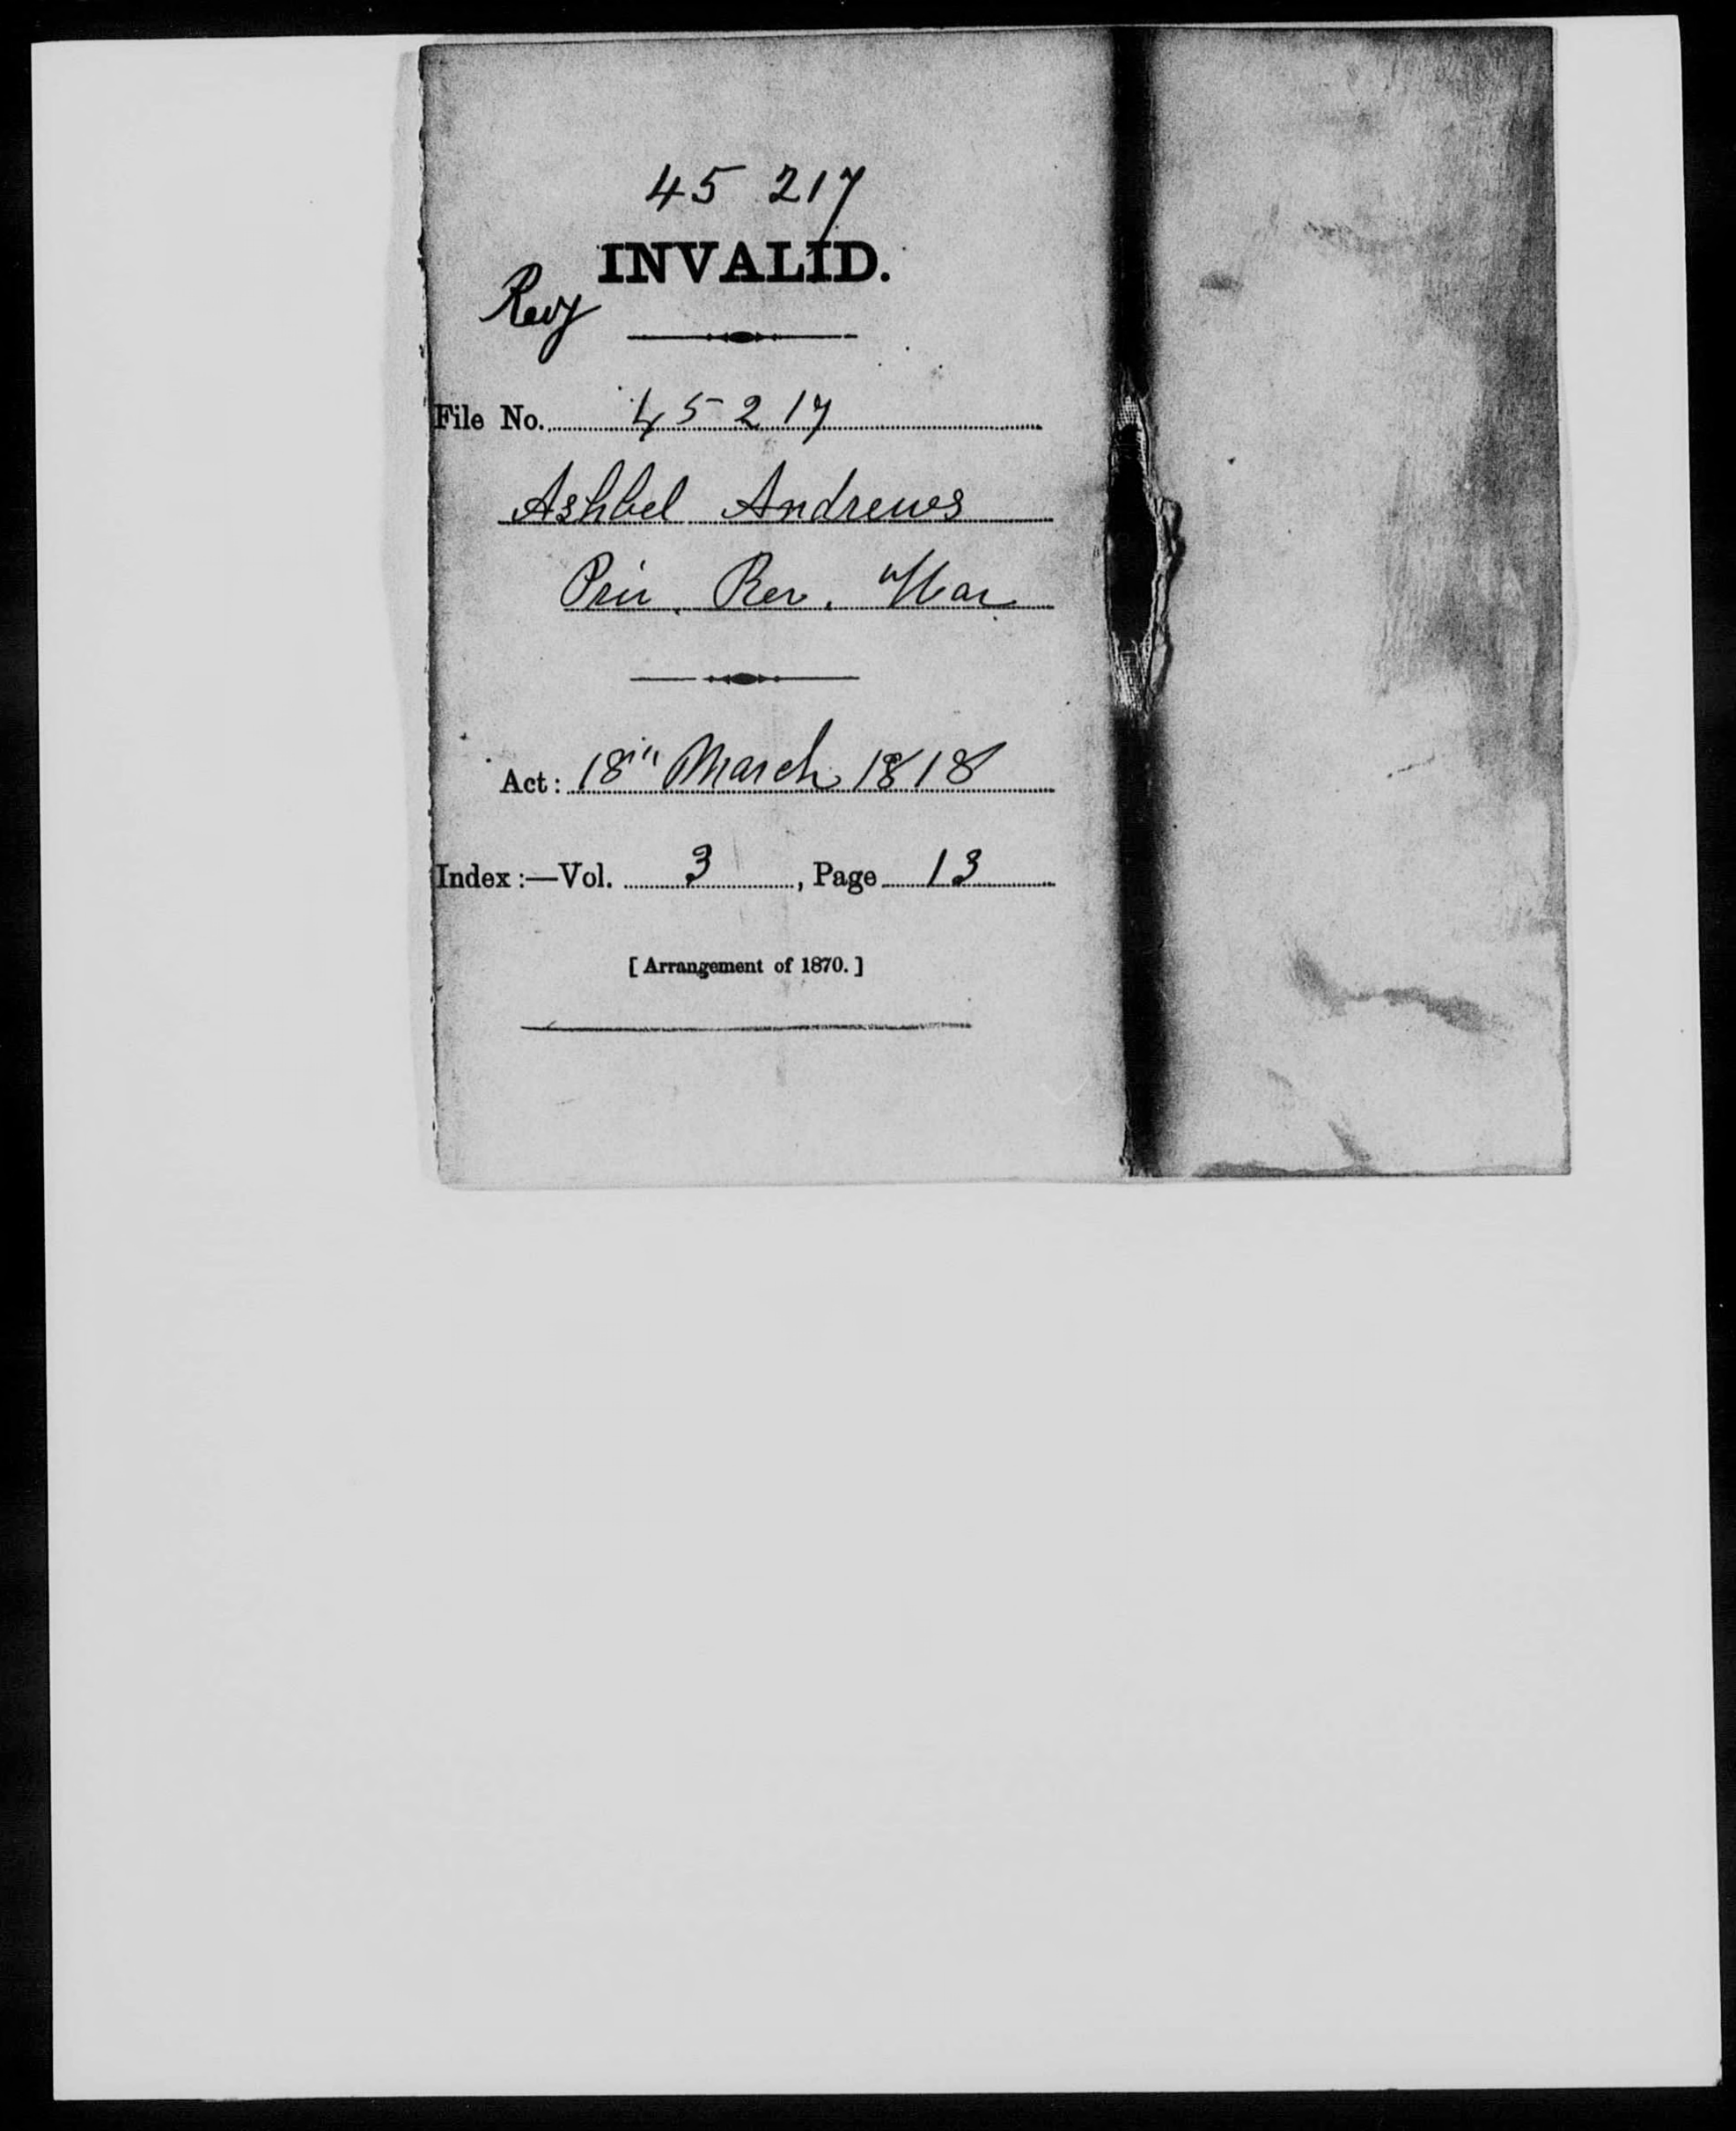45 217
Revy INVALID.
---
File No. 45217
Ashbel Andrews
Pri Rev. War
---

Act: 18th March 1818
Index: --Vol. 3, Page 13
[Arrangement of 1870.]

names: Ashbel Andrews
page: 8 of 8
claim: survivor's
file: S 45217, Ashbel Andrews, New York